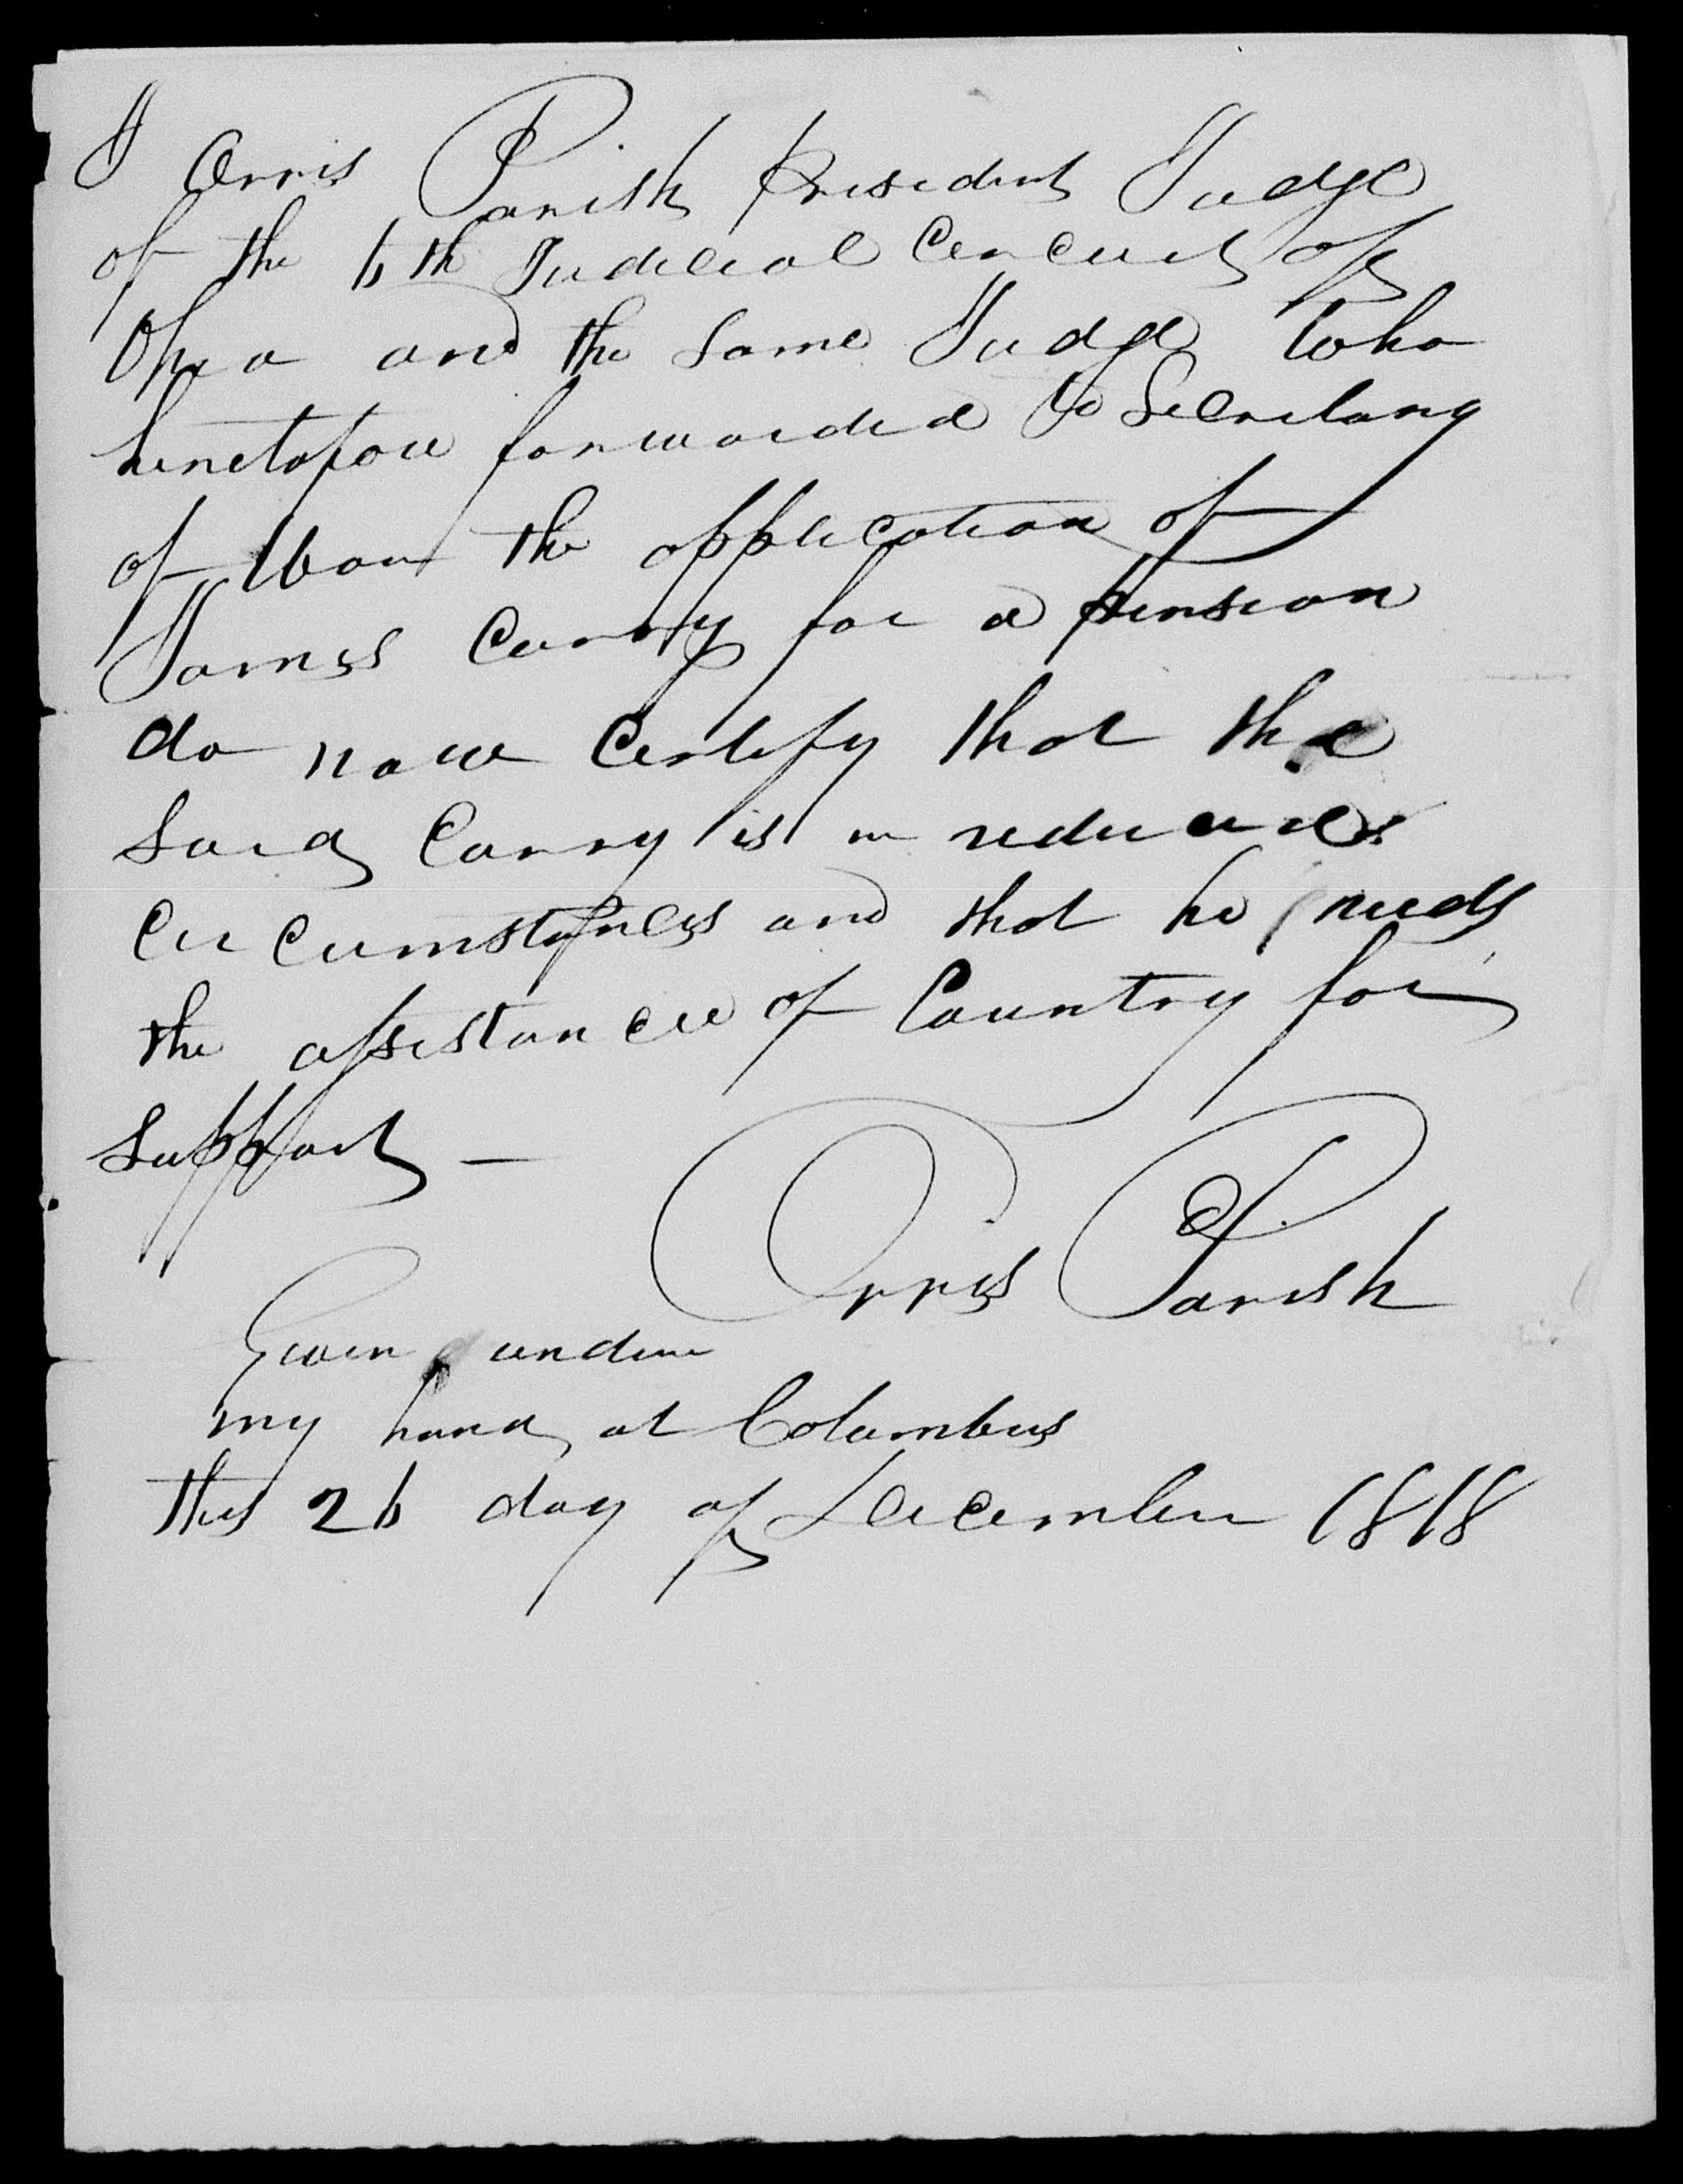I Orris Parish President Judge
of the 6th Judicial Circuit of
Ohio and the same Judge who
heretofore forwarded to Secretary
of War the application of
James Curry for a pension
do now certify that the
said Curry is in reduced
circumstances and that he needs
the assistance of Country for
Support -
---
Orris Parish
Given under
my hand at Columbus
this 26 day of December 1818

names: Orris Parish, James Curry, Orris Parish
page: 15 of 32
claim: survivor's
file: S. 44230, James Curry, Va.